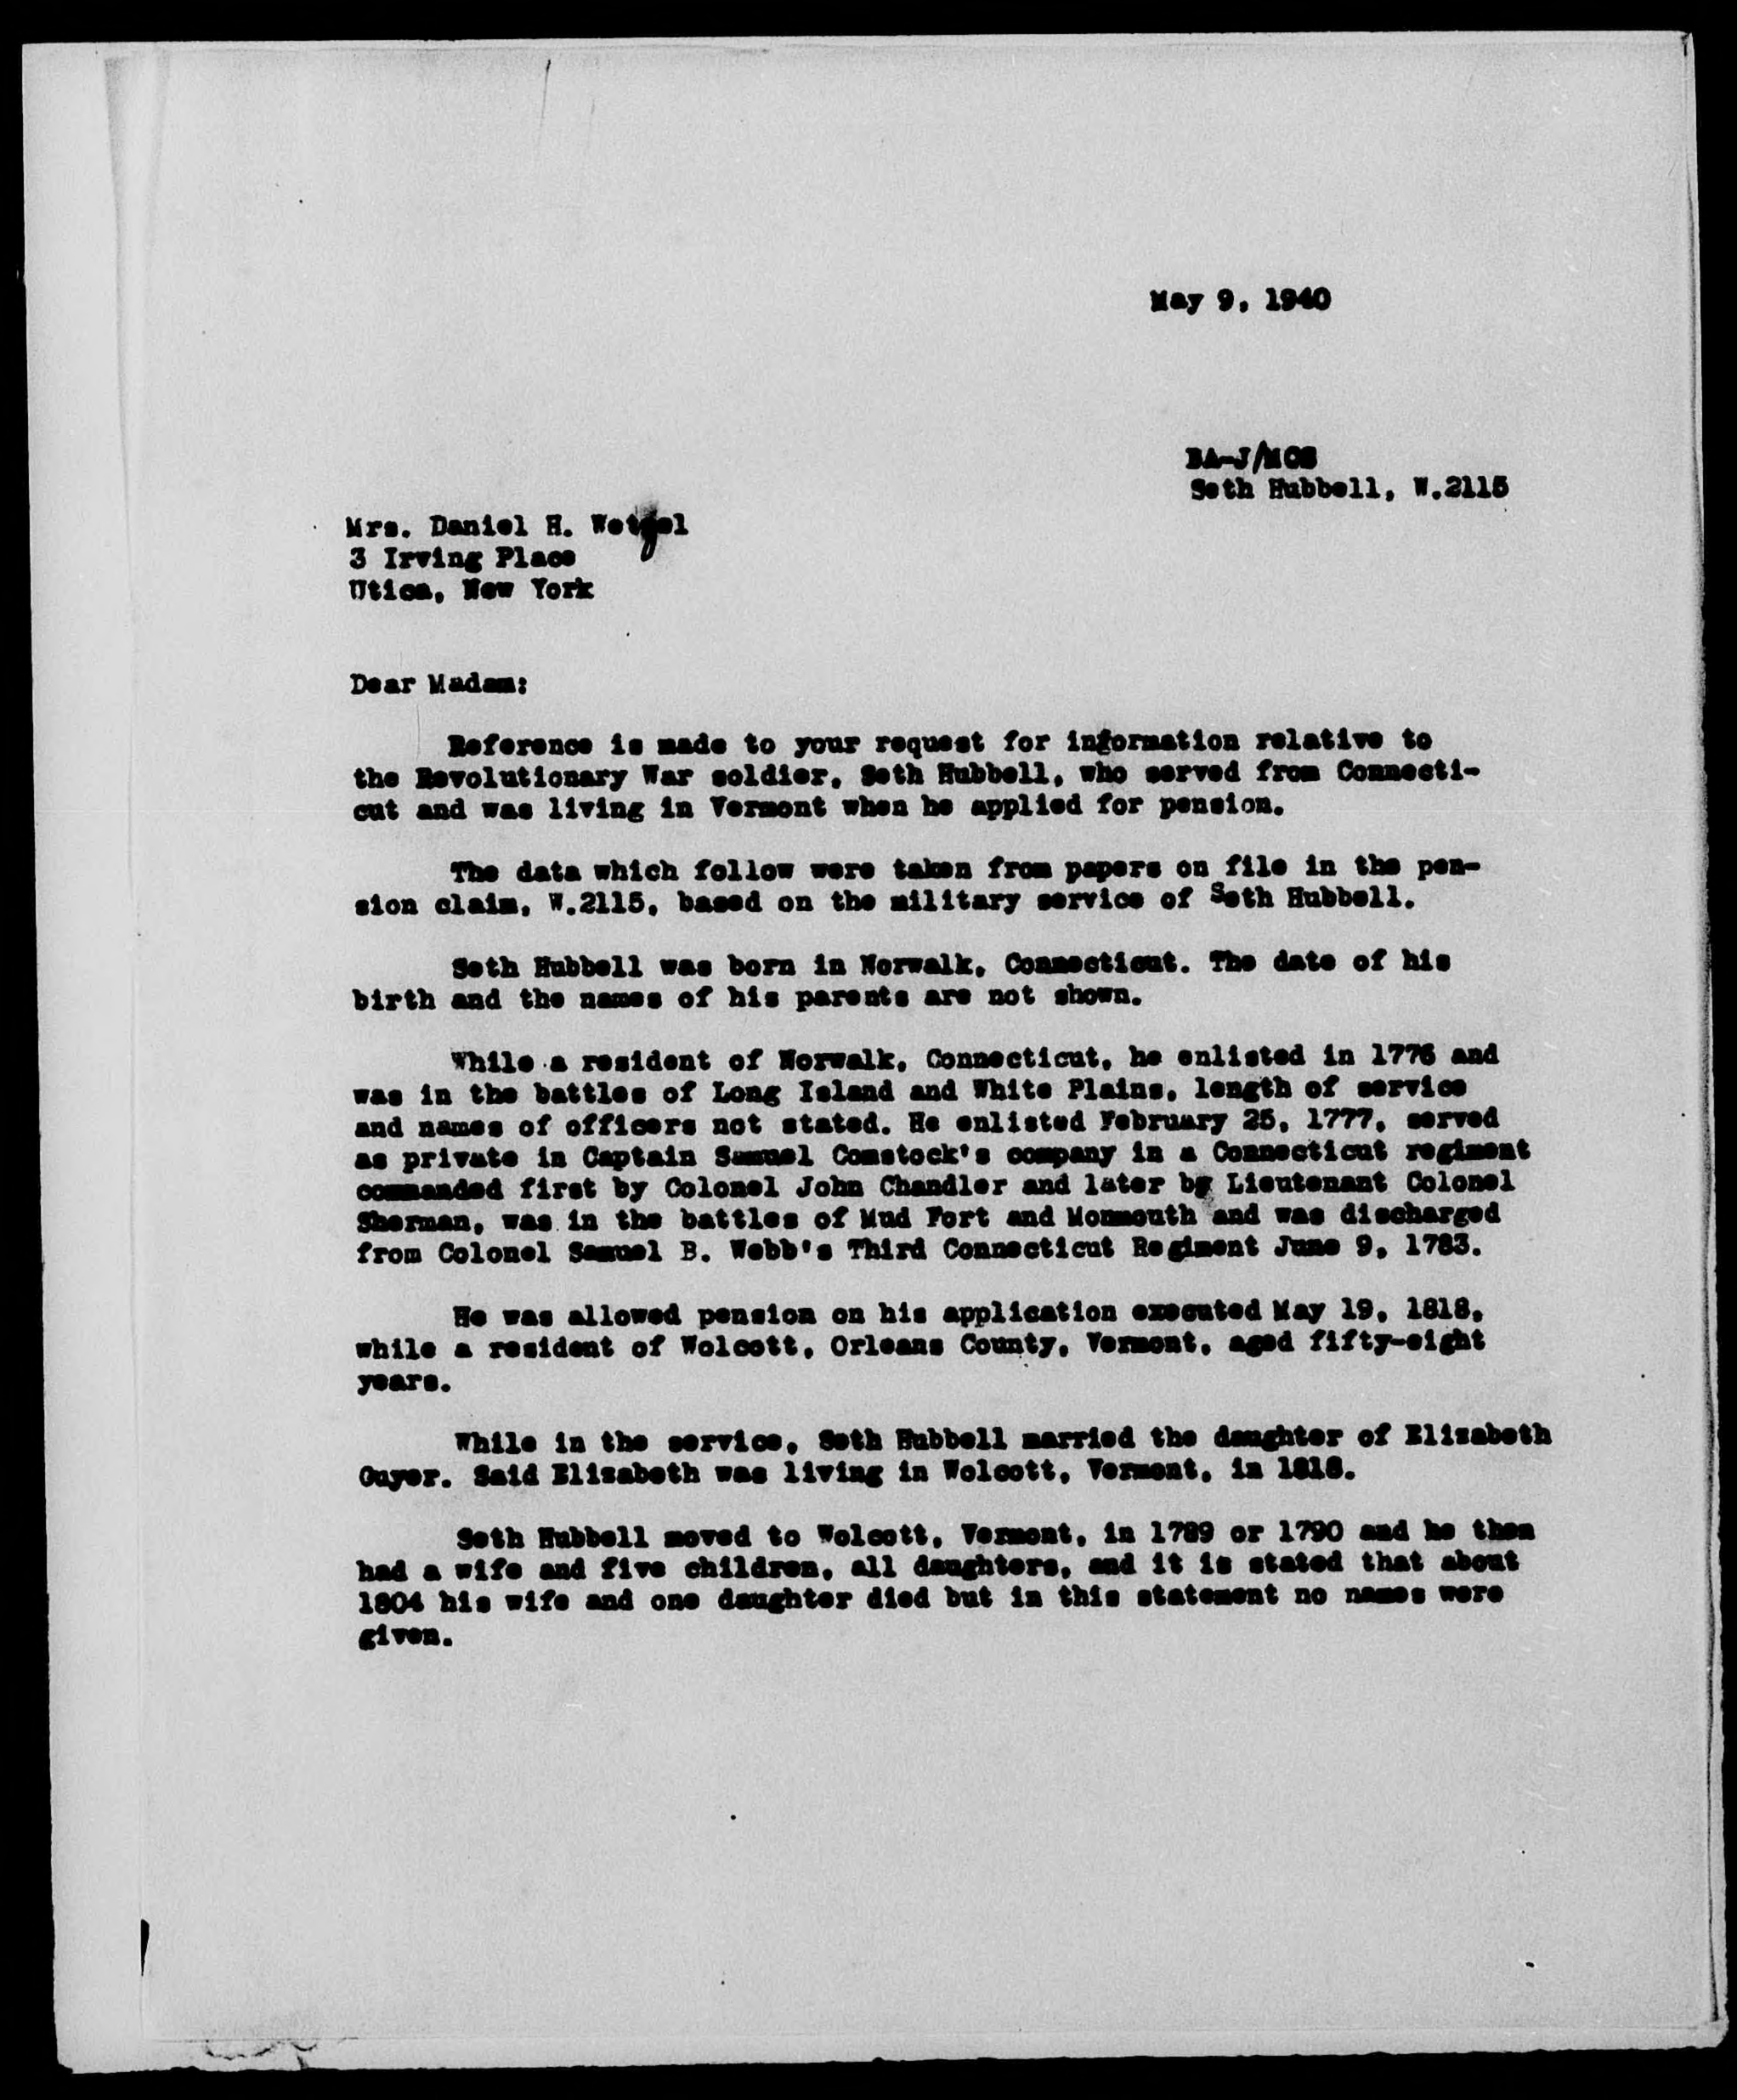May 9, 1940

BA-J/MOS
Seth Hubbell, W.2115

Mrs. Daniel H. Wetzel
3 Irving Place
Utica, New York

Dear Madam:

Reference is made to your request for information relative to the Revolutionary War soldier, Seth Hubbell, who served from Connecticut and was living in Vermont when he applied for pension.

The data which follow were taken from papers on file in the pension claim, W.2115, based on the military service of Seth Hubbell.

Seth Hubbell was born in Norwalk, Connecticut. The date of his birth and the names of his parents are not shown.

While a resident of Norwalk, Connecticut, he enlisted in 1776 and was in the battles of Long Island and White Plains, length of service and names of officers not stated. He enlisted February 25, 1777, served as private in Captain Samuel Comstock's company in a Connecticut regiment commanded first by Colonel John Chandler and later by Lieutenant Colonel Sherman, was in the battles of Mud Fort and Monmouth and was discharged from Colonel Samuel B. Webb's Third Connecticut Regiment June 9, 1783.

He was allowed pension on his application executed May 19, 1818, while a resident of Wolcott, Orleans County, Vermont, aged fifty-eight years.

While in the service, Seth Hubbell married the daughter of Elizabeth Guyer. Said Elizabeth was living in Wolcott, Vermont, in 1818.

Seth Hubbell moved to Wolcott, Vermont, in 1789 or 1790 and he then had a wife and five children, all daughters, and it is state that about 1804 his wife and one daughter died but in this statement no names were given.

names: Elizabeth Guyer, Seth Hubbell, Daniel H Watzel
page: 32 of 114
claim: widow's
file: W. 2115, Seth Hubbell, Conn.